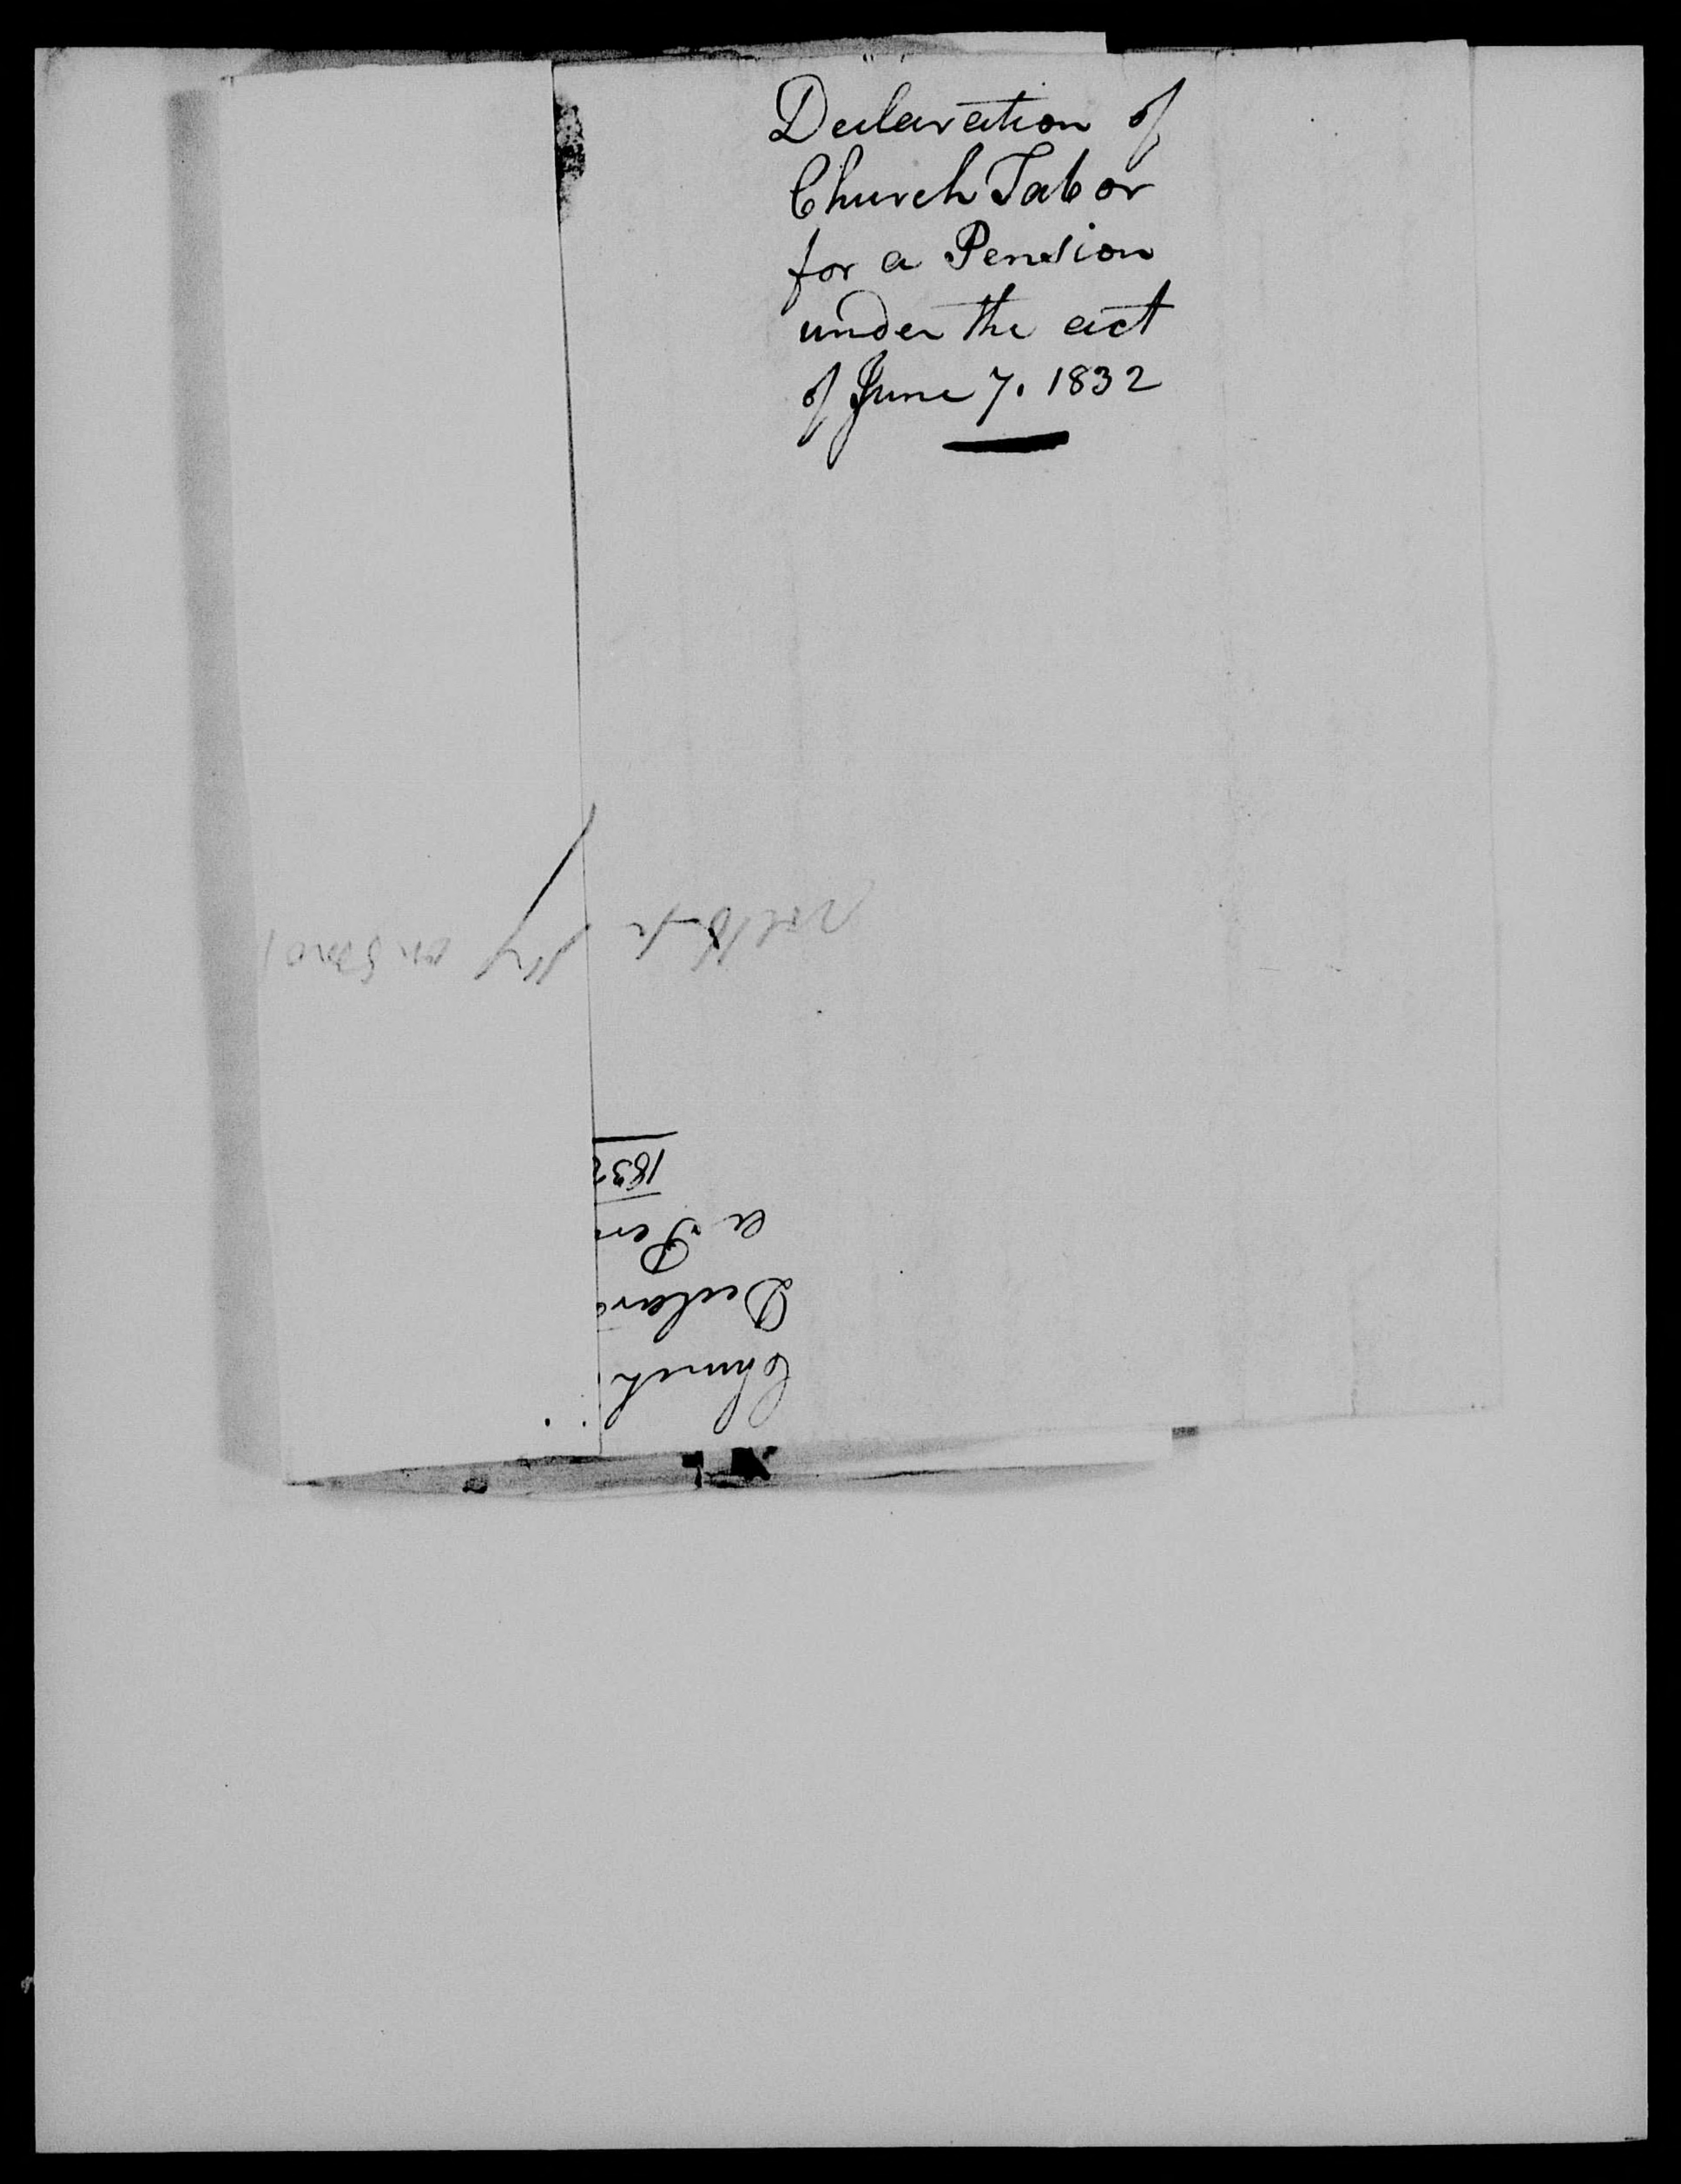Declaration of Church Tabor
for a Pension under the act
of June 7, 1832


(illegible note)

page: 11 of 41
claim: widow's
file: W 26507, for Church Tabor, Massachusetts